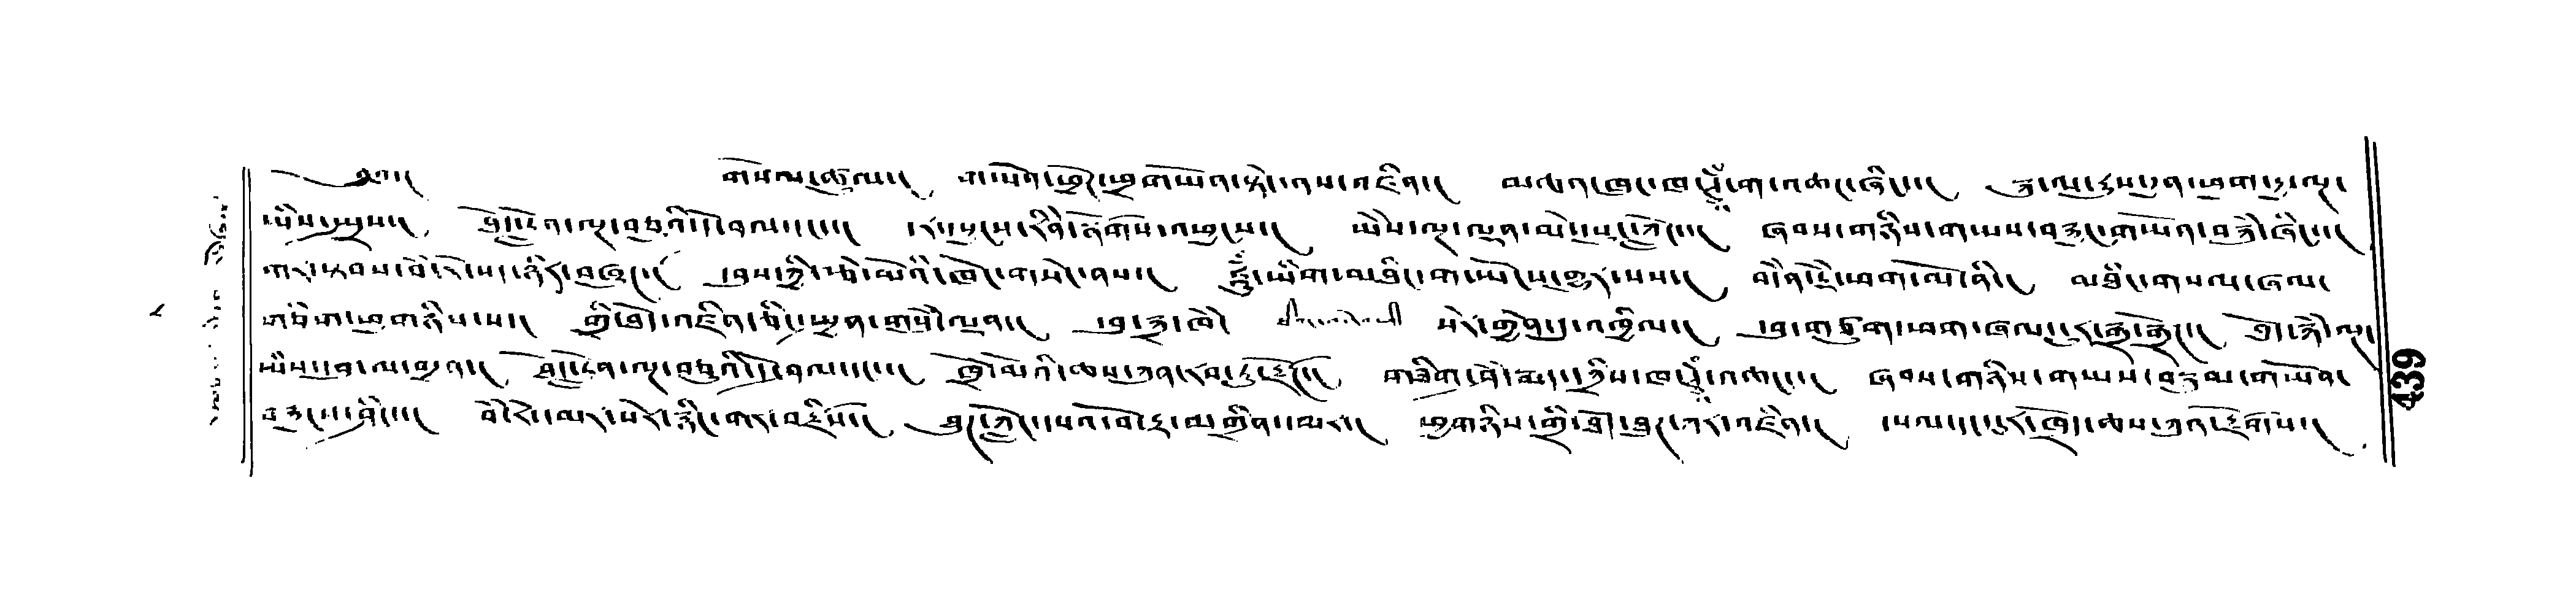གསོལ་ཚུལ། །གཡོན་ཕྱོགས་ཕྲག་གཡོན་སྟེང་ནས་འཛིན། །མཆན་ཁུང་ཁ་ཊྭཱྃ་ག་འཆང་ཞིང་། །སྐུ་ལ་རུས་རྒྱན་ཕྱག་རྒྱ་ལྔ་
ཡིས་སྤྲས། །ཐོད་རློན་ལྔ་བཅུའི་དོ་ཤལ་དང་། །དར་དཔྱངས་རིན་ཆེན་སྣ་ཚོགས་འཕྱངས། །ཡེ་ཤེས་ལྔ་ལྡན་མེ་དཔུང་ཀློང་། །ཞབས་གཉིས་གཡས་བསྐྱང་གཡོན་བསྐུམ་ཞིང་། །
གར་སྟབས་བམ་རོ་སད་ཉིར་བཞུགས། །དབུས་ཀྱི་རྩེ་མོའི་ཁོང་གསེང་ནས། །ཧཱུྃ་ཡིག་མཐིང་ག་ཡོངས་གྱུར་པས། །བདེ་ཆེན་རྡོ་རྗེ་ཕག་མོ་ནི། །མཐིང་གསལ་ཞལ་
གཅིག་ཕྱག་གཉིས་པ། །གྲི་ཐོད་འཛིན་ཅིང་སྤྱན་གསུམ་ལྡན། །དབུ་སྐྲ་ཁམ་སེར་གྱེན་དུ་འཁྱིལ། །དབུ་གཙུག་ཕག་ཞལ་ངུར་སྒྲ་སྒྲོག།ཐོད་སྐམ་ལྔ་
ཡིས་དབུ་ལ་བརྒྱན། །ཐོད་རློན་ལྔ་བཅུའི་དོ་ཤལ་དང་། ཁྲོ་མོའི་ཆས་ཀུན་རབ་ཏུ་རྫོགས། །གཟིག་ཤམ་སྨད་དཀྲིས་ཁ་ཊྭཱྃ་འཆང་། །ཞབས་གཉིས་གཡས་བསྐུམ་གཡོན་
བརྐྱངས་ཤིང་། །བམ་རོ་དམར་སེར་སྙིང་གར་བརྫིས། །ཐུགས་ཀློང་དཔའ་བོ་རྟ་མགྲིན་དམར། །ཕྱག་གཉིས་གྲི་ཐོད་ཐུགས་ཀར་འཛིན། །དཔལ་དང་དུར་ཁྲོད་ཆས་ཀུན་རྫོགས།